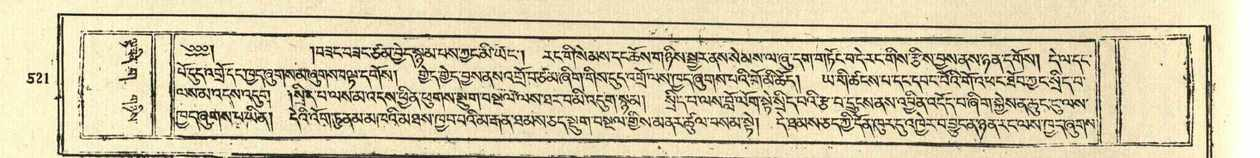༄༅༅། །བཟང་བཟང་ཙམ་བྱེད་སྙམ་པས་ཀྱང་མི་ཡོང་། རང་གི་སེམས་དང་ཆོས་གཉིས་སྦྱར་ནས་སེམས་ལ་ཞུ་དག་གཏོང་བ་དེ་རང་གིས་རྩིས་བྱས་ནས་ཉན་དགོས། དེ་ལ་དང་
པོ་དུད་འགྲོ་དང་ཁྱད་ཞུགས་མ་ཞུགས་བལྟ་དགོས། གྱེད་གྱེད་བྱས་ནས་འགྲོ་བ་ཙམ་ཞིག་གིས་དུད་འགྲོ་ལས་ཁྱད་ཞུགས་པའི་གོ་མི་ཆོད། ཡ་གི་ཚངས་པ་དང་དབང་བོའི་གོ་འཕང་ཐོབ་ཀྱང་སྲིད་བ་
ལས་མ་འདས་འདུག །སྲིད་པ་ལས་མ་འདས་ཕྱིན་ཕུགས་སྡུག་བསྔལ་ལས་ཐར་བ་མི་འདུག་སྙམ། སྲིད་པ་ལས་བློ་ལོག་སྟེ་སྲིད་བའི་རྩ་བ་དྲུངས་ནས་འབྱིན་འདོད་པ་ཞིག་སྐྱེས་ན་ཆུང་ངུ་ལས་
ཁྱད་ཞུགས་པ་ཡིན། དེའི་འོག་ཏུ་ནམ་མཁའི་མཐས་ཁྱབ་པའི་མ་རྒན་ཐམས་ཅད་སྡུག་བསྔལ་གྱིས་མནར་ཚུལ་བསམ་སྟེ། དེ་ཐམས་ཅད་ཀྱི་དོན་ཁུར་དུ་འཁྱེར་བ་བྱུང་ན་ཉན་རང་ལས་ཁྱད་ཞུགས་